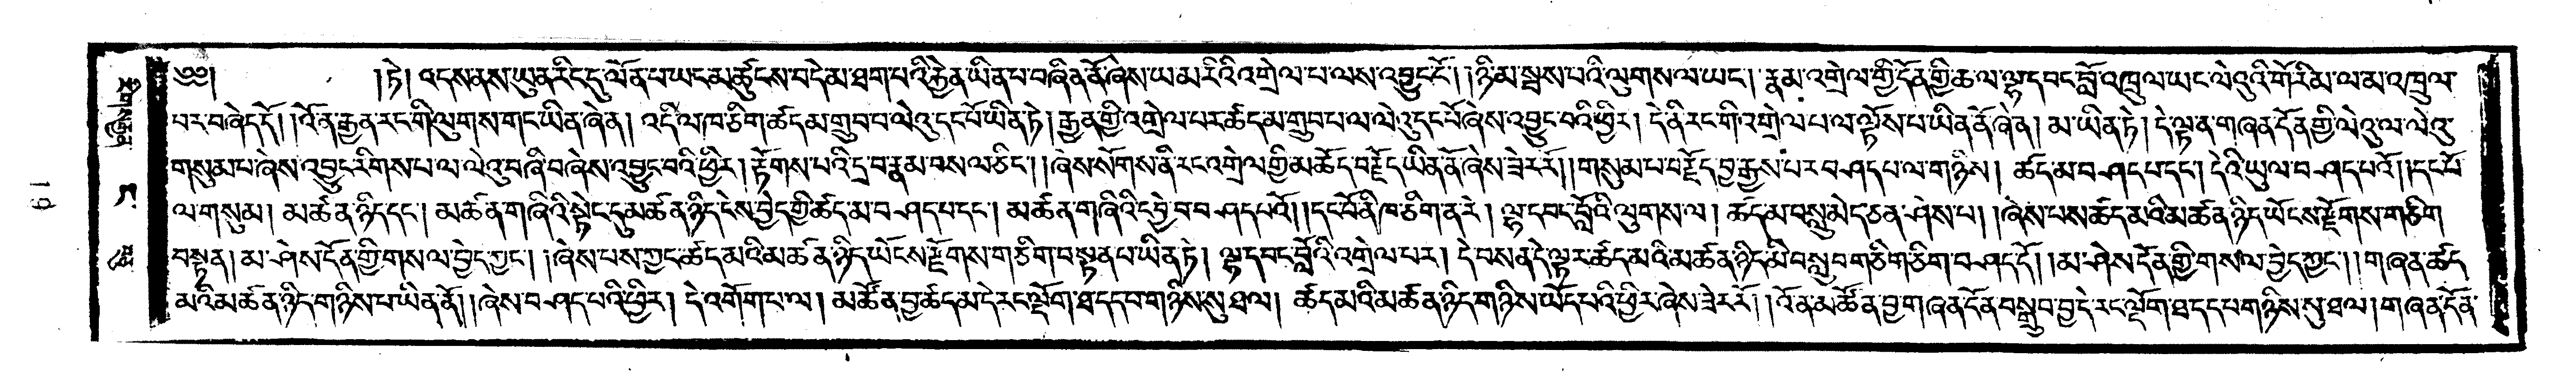༄༅། །ཏེ། འདས་ནས་ཡུན་རིང་དུ་ལོན་པ་ཡང་མཚུངས་པ་དེ་མ་ཐག་པའི་རྐྱེན་ཡིན་པ་བཞིན་ནོ་ཞེས་ཡ་མ་རིའི་འགྲེལ་བ་ལས་འབྱུང་ངོ། །ཉི་མ་སྦས་པའི་ལུགས་ལ་ཡང་། རྣམ་འགྲེལ་གྱི་དོན་གྱི་ཆ་ལ་ལྷ་དབང་བློ་འཁྲུལ་ཡང་ལེའུའི་གོ་རིམ་ལ་མ་འཁྲུལ་
པར་བཞེད་དོ། །འོ་ན་རྒྱན་རང་གི་ལུགས་གང་ཡིན་ཞེ་ན། འདི་ལ་ཁ་ཅིག་ཚད་མ་གྲུབ་པ་ལེའུ་དང་པོ་ཡིན་ཏེ། རྒྱན་གྱི་འགྲེལ་པར་ཚད་མ་གྲུབ་པ་ལ་ལེའུ་དང་པོ་ཞེས་འབྱུང་བའི་ཕྱིར། དེ་ནི་རང་གི་འགྲེལ་པ་ལ་ལྟོས་པ་ཡིན་ནོ་ཞེ་ན། མ་ཡིན་ཏེ། དེ་ལྟ་ན་གཞན་དོན་གྱི་ལེའུ་ལ་ལེའུ་
གསུམ་པ་ཞེས་འབྱུང་རིགས་པ་ལ་ལེའུ་བཞི་པ་ཞེས་འབྱུང་བའི་ཕྱིར། རྟོགས་པའི་དྲ་བ་རྣམ་བསལ་ཅིང་། །ཞེས་སོགས་ནི་རང་འགྲེལ་གྱི་མཆོད་བརྗོད་ཡིན་ནོ་ཞེས་ཟེར་རོ། །གསུམ་པ་བརྗོད་བྱ་རྒྱས་པར་བཤད་པ་ལ་གཉིས། ཚད་མ་བཤད་པ་དང་། དེའི་ཡུལ་བཤད་པའོ། །དང་པོ་
ལ་གསུམ། མཚན་ཉིད་དང་། མཚན་གཞིའི་སྟེང་དུ་མཚན་ཉིད་ངེས་བྱེད་ཀྱི་ཚད་མ་བཤད་པ་དང་། མཚན་གཞིའི་དབྱེ་བ་བཤད་པའོ། །དང་པོ་ནི་ཁ་ཅིག་ན་རེ། ལྷ་དབང་བློའི་ལུགས་ལ། ཚད་མ་བསླུ་མེད་ཅན་ཤེས་པ། །ཞེས་པས་ཚད་མའི་མཚན་ཉིད་ཡོངས་རྫོགས་གཅིག་
བསྟན༑ མ་ཤེས་དོན་གྱི་གསལ་བྱེད་ཀྱང་། །ཞེས་པས་ཀྱང་ཚད་མའི་མཚན་ཉིད་ཡོངས་རྫོགས་གཅིག་བསྟན་པ་ཡིན་ཏེ། ལྷ་དབང་བློའི་འགྲེལ་པར། དེ་བས་ན་དེ་ལྟར་ཚད་མའི་མཚན་ཉིད་མི་བསླུ་བ་གཅིག་ཅིག་བཤད་དོ། །མ་ཤེས་དོན་གྱི་གསལ་བྱེད་ཀྱང་། །གཞན་ཚད་
མའི་མཚན་ཉིད་གཉིས་པ་ཡིན་ནོ། །ཞེས་བཤད་པའི་ཕྱིར། དེ་འགོག་པ་ལ། མཚོན་བྱ་ཚད་མ་དེ་རང་ལྡོག་ཐ་དད་པ་གཉིས་སུ་ཐལ། ཚད་མའི་མཚན་ཉིད་གཉིས་ཡོད་པའི་ཕྱིར་ཞེས་ཟེར་རོ། །འོ་ན་མཚོན་བྱ་གཞན་དོན་བསྒྲུབ་བྱ་དེ་རང་ལྡོག་ཐ་དད་པ་གཉིས་སུ་ཐལ། གཞན་དོན་